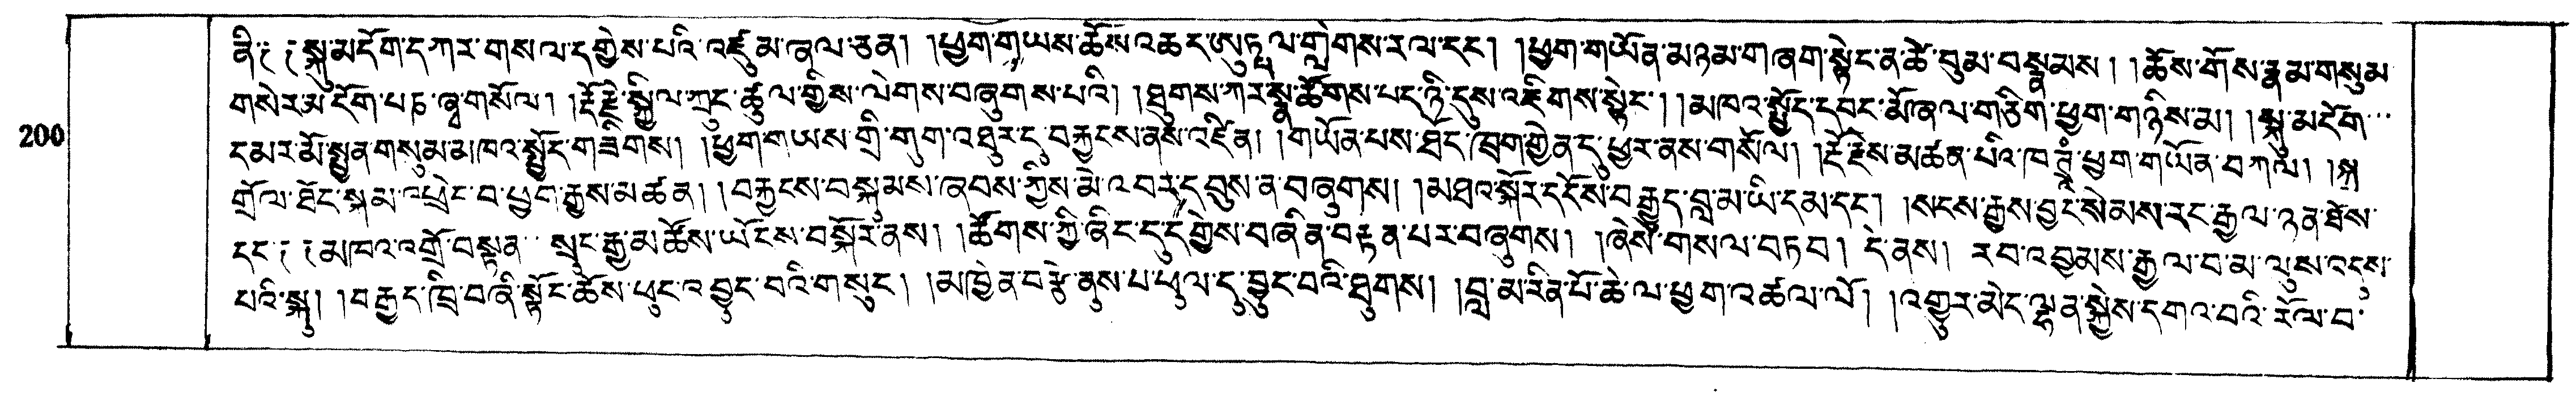ནི༑ ༑སྐུ་མདོག་དཀར་གསལ་དགྱེས་པའི་འཛུམ་ཞལ་ཅན། །ཕྱག་གཡས་ཆོས་འཆད་ཨུཏྤལ་གླེགས་རལ་དང་། །ཕྱག་གཡོན་མཉམ་གཞག་སྟེང་ན་ཚེ་བུམ་བསྣམས། །ཆོས་གོས་རྣམ་གསུམ་
གསེར་མདོག་པཎ་ཞྭ་གསོལ། །རྡོ་རྗེ་སྐྱིལ་ཀྲུང་ཚུལ་གྱིས་ལེགས་བཞུགས་པའི། །ཐུགས་ཀར་སྣ་ཚོགས་པད་ཉི་དུས་འཇིགས་སྟེང་། །མཁའ་སྤྱོད་དབང་མོ་ཞལ་གཅིག་ཕྱག་གཉིས་མ། །སྐུ་མདོག་
དམར་མོ་སྤྱན་གསུམ་མཁའ་སྤྱོད་གཟིགས། །ཕྱག་གཡས་གྲི་གུག་འཐུར་དུ་བརྐྱངས་ནས་འཛིན། །གཡོན་པས་ཐོད་ཁྲག་གྱེན་དུ་ཕྱར་ནས་གསོལ། །རྡོ་རྗེས་མཚན་པའི་ཁ་ཊྭཱཾ་ཕྲག་གཡོན་བཀལ། །སྒྲ་
གྲོལ་ཐོད་སྐམ་འཕྲེང་བ་ཕྱག་རྒྱས་མཚན། །བརྐྱངས་བསྐུམས་ཞབས་ཀྱིས་མེ་འབར་དབུས་ན་བཞུགས། །མཐའ་སྐོར་དངོས་བརྒྱུད་བླ་མ་ཡི་དམ་དང་། །སངས་རྒྱས་བྱང་སེམས་རང་རྒྱལ་ཉན་ཐོས་
དང༑ ༑མཁའ་འགྲོ་བསྟན་སྲུང་རྒྱ་མཚོས་ཡོངས་བསྐོར་ནས། །ཚོགས་ཀྱི་ཞིང་དུ་དགྱེས་བཞིན་བརྟན་པར་བཞུགས། །ཞེས་གསལ་བཏབ། དེ་ནས། རབ་འབྱམས་རྒྱལ་བ་མ་ལུས་འདུས་
པའི་སྐུ། །བརྒྱད་ཁྲི་བཞི་སྟོང་ཆོས་ཕུང་འབྱུང་བའི་གསུང་། །མཁྱེན་བརྩེ་ནུས་པ་ཕུལ་དུ་བྱུང་བའི་ཐུགས། །བླ་མ་རིན་པོ་ཆེ་ལ་ཕྱག་འཚལ་ལོ། །འགྱུར་མེད་ལྷན་སྐྱེས་དགའ་བའི་རོལ་བ་